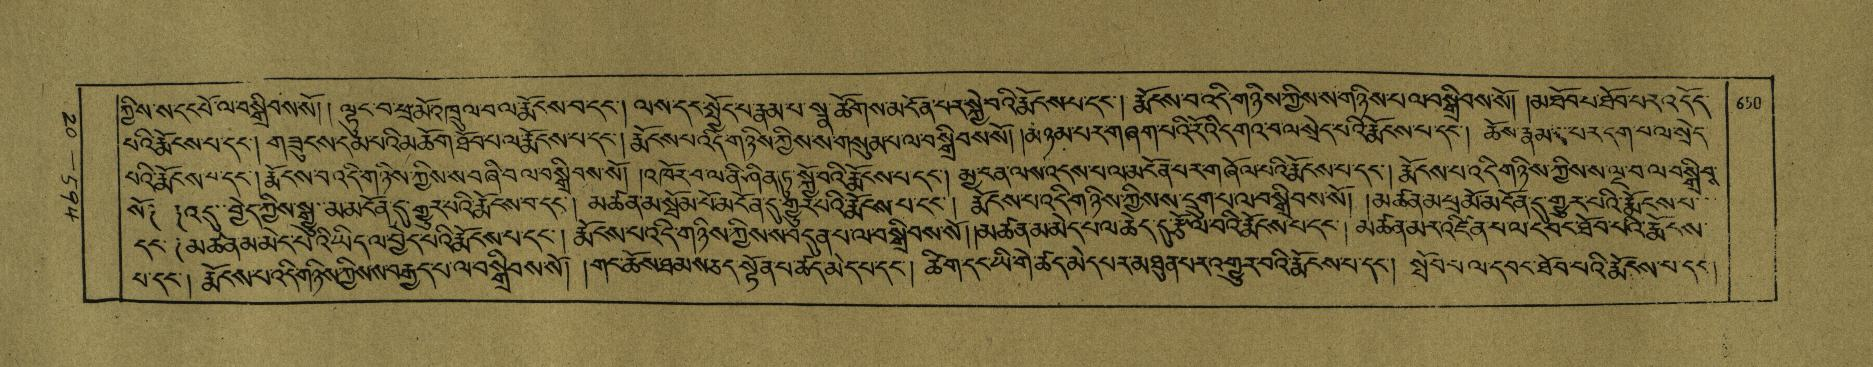ཀྱིས་ས་དང་པོ་ལ་བསྒྲིབས་སོ། །ལྟུང་བ་ཕྲ་མོ་འཁྲུལ་བ་ལ་རྨོངས་པ་དང་། ལས་དང་སྦྱོད་པ་རྣམ་པ་སྣ་ཚོགས་མངོན་པར་སྐྱེ་བའི་རྨོངས་པ་དང་། རྨོངས་པ་འདི་གཉིས་ཀྱིས་ས་གཉིས་པ་ལ་བསྒྲིབས་སོ། །མ་ཐོབ་པ་ཐོབ་པར་འདོད་
པའི་རྨོངས་པ་དང་། གཟུངས་དམ་པའི་མཆོག་ཐོབ་པ་ལ་རྨོངས་པ་དང་། རྨོངས་པ་འདི་གཉིས་ཀྱིས་ས་གསུམ་པ་ལ་བསྒྲིབས་སོ། །མཉམ་པར་གཞག་པའི་རོའི་དགའ་བ་ལ་སྲེད་པའི་རྨོངས་པ་དང་། ཆོས་རྣམ་པར་དག་པ་ལ་སྲེད་
པའི་རྨོངས་པ་དང་། རྨོངས་པ་འདི་གཉིས་ཀྱིས་ས་བཞི་བ་ལ་བསྒྲིབས་སོ། །འཁོར་བ་ལ་ནི་ཤིན་ཏུ་སྐྱོ་བའི་རྨོངས་པ་དང་། མྱ་ངན་ལས་འདས་པ་ལ་མངོན་པར་གཞོལ་བའི་རྨོངས་པ་དང་། རྨོངས་པ་འདི་གཉིས་ཀྱིས་ས་ལྔ་བ་ལ་བསྒྲིབས་
སོ༑ ༑འདུ་བྱེད་ཀྱིས་སྒྱུ་མ་མངོན་དུ་གྱུར་པའི་རྨོངས་པ་དང་། མཚན་མ་སྦོམ་པོ་མངོན་དུ་གྱུར་པའི་རྨོངས་པ་དང་། རྨོངས་པ་འདི་གཉིས་ཀྱིས་ས་དྲུག་པ་ལ་བསྒྲིབས་སོ། །མཚན་མ་ཕྲ་མོ་མངོན་དུ་གྱུར་པའི་རྨོངས་པ་
དང༑ མཚན་མ་མེད་པའི་ཡིད་ལ་བྱེད་པའི་རྨོངས་པ་དང་། རྨོངས་པ་འདི་གཉིས་ཀྱིས་ས་བདུན་པ་ལ་བསྒྲིབས་སོ། །མཚན་མ་མེད་པ་ལ་ཆེད་དུ་རྩོལ་བའི་རྨོངས་པ་དང་། མཚན་མར་འཛིན་པ་ལ་དབང་ཐོབ་པའི་རྨོངས་
པ་དང་། རྨོངས་པ་འདི་གཉིས་ཀྱིས་ས་བརྒྱད་པ་ལ་བསྒྲིབས་སོ། །གང་ཆོས་ཐམས་ཅད་སྟོན་པ་ཚད་མེད་པ་དང་། ཚིག་དང་ཡི་གེ་ཚད་མེད་པར་མཐུན་པར་འགྱུར་པའི་རྨོངས་པ་དང་། སྤོབ་པ་ལ་དབང་ཐོབ་པའི་རྨོངས་པ་དང་།